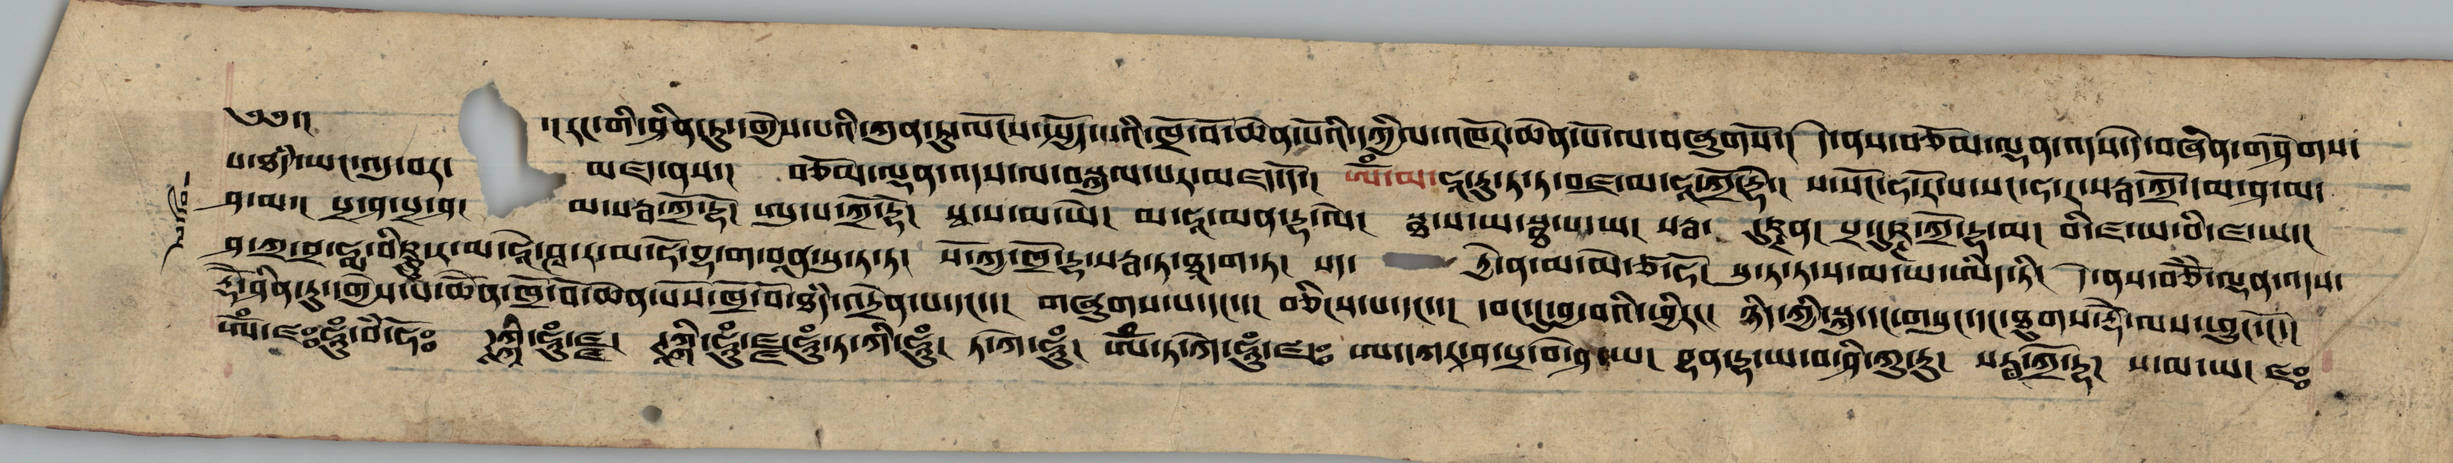༄༅་། ་།རང་གི་ཤིན་ཏུ་དགྱེས་པའི་ཀུན་ཏུ་ལོངས་སྤྱོད་པའི་ཁྲོ་བོ་ཆེན་པོའི་དཀྱིལ་འཁོར་ཆེན་པོ་ལ་བཞུགསོ་། དེ་ནས་བཅོམ་ལྡན་འདས་དེ་བཞིན་གཤེགས་
པ་ཐདཾ་ཡང་འདུ་བར་ མཛད་ནས་། བཅོམ་ལྡན་འདས་ལ་བསྐུལ་པར་མཛད་དོ་། ཨོཾ་མ་ཧཱ་རུ་ཏ་ཏ་བཛྲ་མ་ཧཱ་ཀྲོ་དྷེ་། པ་སོང་ཧ་རོ་པ་སང་ཧ་ར་སརྦ་ཀྲོ་དམ་ཤ་ལ་
ཤ་མ་། པྲ་ཤ་པྲ་ཤ་ མ་སརྦ་ཀྲོ་དྷོ། ཨུ་པ་ཀྲོ་དྷ། སྭ་ས་མ་ཡེ། མ་ཧཱ་མན་དྷ་ལེ། སྠ་ས་ཡ་སྠ་པ་ཡ། སརྦ་ དུཥྚན། པྲ་དུཥྚ་ཀྲོ་དྷ་མ། བི་ཛ་ཡ་བི་ཛ་ཡ།
ཤ་ཀྲ་བྲ་ཧྨ་བིཥྞ་ར་མ་ཧཱེ་ཤྭ་ར་མ་ཧོ་བྷ་ག་བཱན་སུ་ཏ་ཏ། སོ་ཀྱ་ཁྲོ་དྷ་སརྦ་ཏ་ཐཱ་ག་ཏ། སད་ ཏྱེ་ན་མ་མེ་ཙ་ཧོ། སུ་ཏ་ཏ་ས་མ་ཡ་ཨིད་ཏི། དེ་ནས་བཅོཾ་ལྡན་འདས་
རྡོེ་ཤིན་ཏུ་དགྱེས་པ་ཆེནོ་ཁྲོ་བོ་ཆེན་པོས་ཁྲོ་བོ་ཐདཾ་འདྲེན་པ་དང་་། གཞུགས་པ་དང་་། བཅིངས་པ་དང་་། དབང་དུ་བྱ་བའི་ཕྱིར་། ཉིད་ཀྱི་སྐུ་དང་གསུང་དང་ཐུགས་རྡོེ་ལས་ཕྱུང་ངོ་།
ཨོཾ་ཛཿཧཱུཾ་བཾ་ཧོཿ ཌཱཀྐི་ཧཱུཾ་ཛྫ་ ཊཱཀྐི་ཧཱུཾ་ཛྫ་ཧཱུཾ་ཏ་ཀི་ཧཱུཾ་ ཏ་ཀེ་ཧཱུཾ་ ཨོཾ་ཏ་ཀེ་ཧཱུཾ་ཛཿ ཨ་དཀར་ཤ་སྲ་བེ་ཤ་ཡ། བྷན་དྷ་ཡ་བ་ཤི་ཀུ་རུ་ སརྦ་ཀྲོ་དྷ། ས་མ་ཡ། ཛཿ